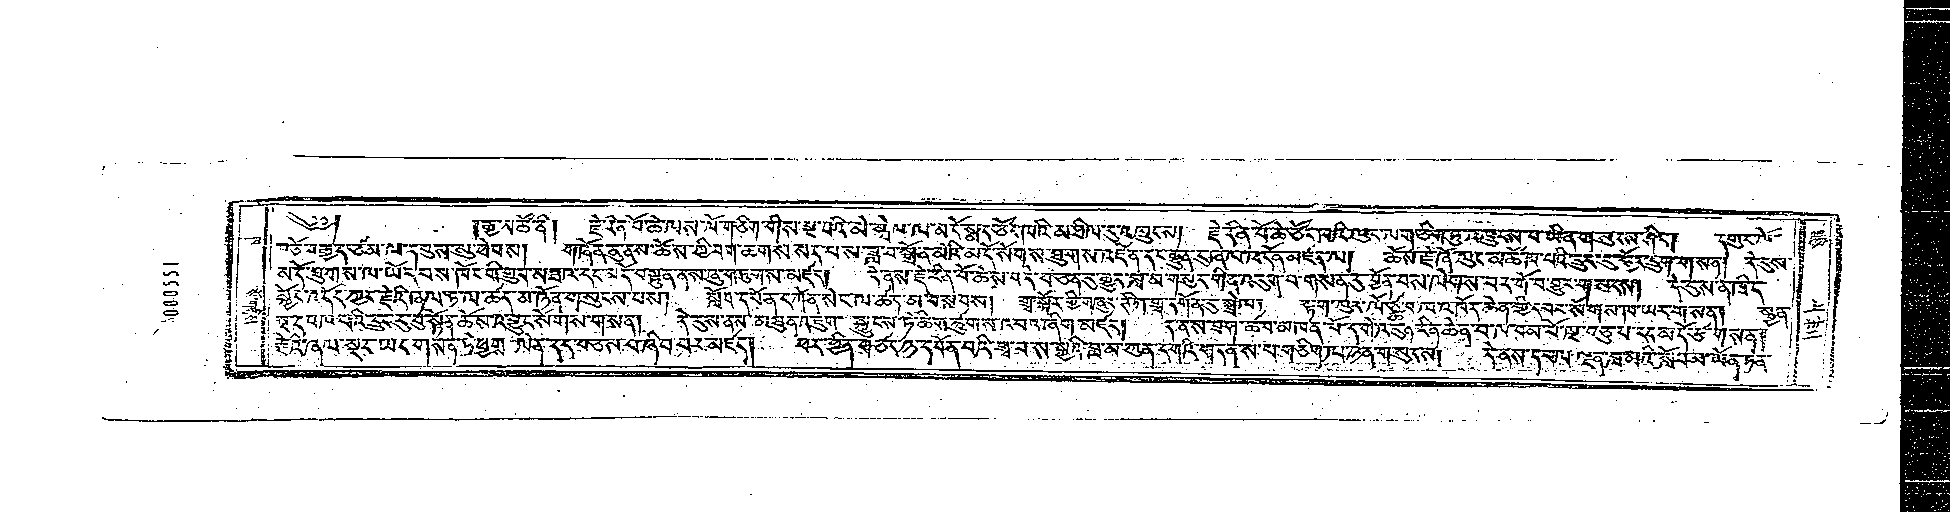༄༅། །རྒྱ་མཚོ་ནི། རྗེ་རིན་པོ་ཆེ་ལས་ལོ་གཅིག་གིས་སྔ་པའི་མེ་སྤེལ་ལ་མདོ་སྨད་ཙོང་ཁའི་མ་ཐིལ་དུ་འཁྲུངས། རྗེ་རིན་པོ་ཆེ་ཙོང་ཁའི་ལུང་ལག་ཅིག་ཏུ་འཁྲུངས་པ་ཡིན་གསུངས་ཤིང་། དགུང་ལོ་
བཅོ་བརྒྱད་ཙམ་ལ་དབུས་སུ་ཕེབས། གཞོན་ནུ་ནས་ཆོས་ཀྱི་བག་ཆགས་སད་པས་ཟླ་བ་སྒྲོན་མེའི་མདོ་སོགས་ཐུགས་འཛིན་དང་རྒྱུན་དུ་ཞལ་འདོན་མཛད་ལ། ཆོས་རྗེ་ཞོ་ལུང་མཚོ་ཁ་པའི་དྲུང་དུ་སྦྱོར་དྲུག་གསན། དེ་དུས་
མདོ་ཐུགས་ལ་ཡོད་པས་ཁོང་གི་གྲུབ་མཐའ་དང་མདོ་བསྟུན་ནས་ཞུ་གཏུགས་མཛད། དེ་ནས་རྗེ་རིན་པོ་ཆེས་བདེ་བ་ཅན་དུ་རྒྱུད་བླ་མ་གསུང་གིན་འདུག་བ་གསན་དུ་བྱོན་བས་ལེགས་པར་གོ་བ་བྱུང་གསུངས། དེ་དུས་ན་ཁྲིད་
སྐྱོང་འདོད་ཀྱང་རྗེའི་ཞལ་ཏ་ལ་ཚད་མ་ཉོན་གསུངས་པས། སློབ་དཔོན་དཀོན་སེང་ལ་ཚད་མ་བསླབས། གྲྭ་སྐོར་གྱི་གཞུང་ཊིཀ་གྲྭ་དགོན་དུ་སྤྲེལ། སྟག་ལུང་ལོ་ཙྪ་བ་ལ་འཁོར་ཆེན་གྱི་དབང་སོགས་ཁ་ཡར་གསན། སྤྱན་
སྔ་དབལ་པའི་དྲུང་དུ་བུ་སྟོན་ཆོས་འབྱུང་སོགས་གསན། དེ་དུས་ནས་མཐུན་འཇུག་སྐྱུངས་ཏེ་ཆིག་ཚུགས་འབའ་ཞིག་མཛད། ད་ནས་བྲག་ཚབ་མཁན་པོ་དགེ་འདུན་རིན་ཆེན་བ་ལ་བམ་པོ་ལྔ་བཅུ་པ་དང་མདོ་རྩ་གསན།
རྗེའི་ཞལ་སྔར་ཡང་གསན་ཏེ་ཕྱགས་ལེན་དང་བཅས་པ་ཞིབ་པར་མཛད། ཕན་ཕྱིན་གཙང་ཉ་དབོན་བའི་གྲྭ་བ་ས་སྐྱའི་བླ་མ་ཀུན་དགའི་གདན་ས་པ་གཅིག་ལ་ཉན་གསུངས། དེ་ནས་དཔལ་ལྡན་བླ་མའི་སློབ་མ་ཡོན་ཏན་